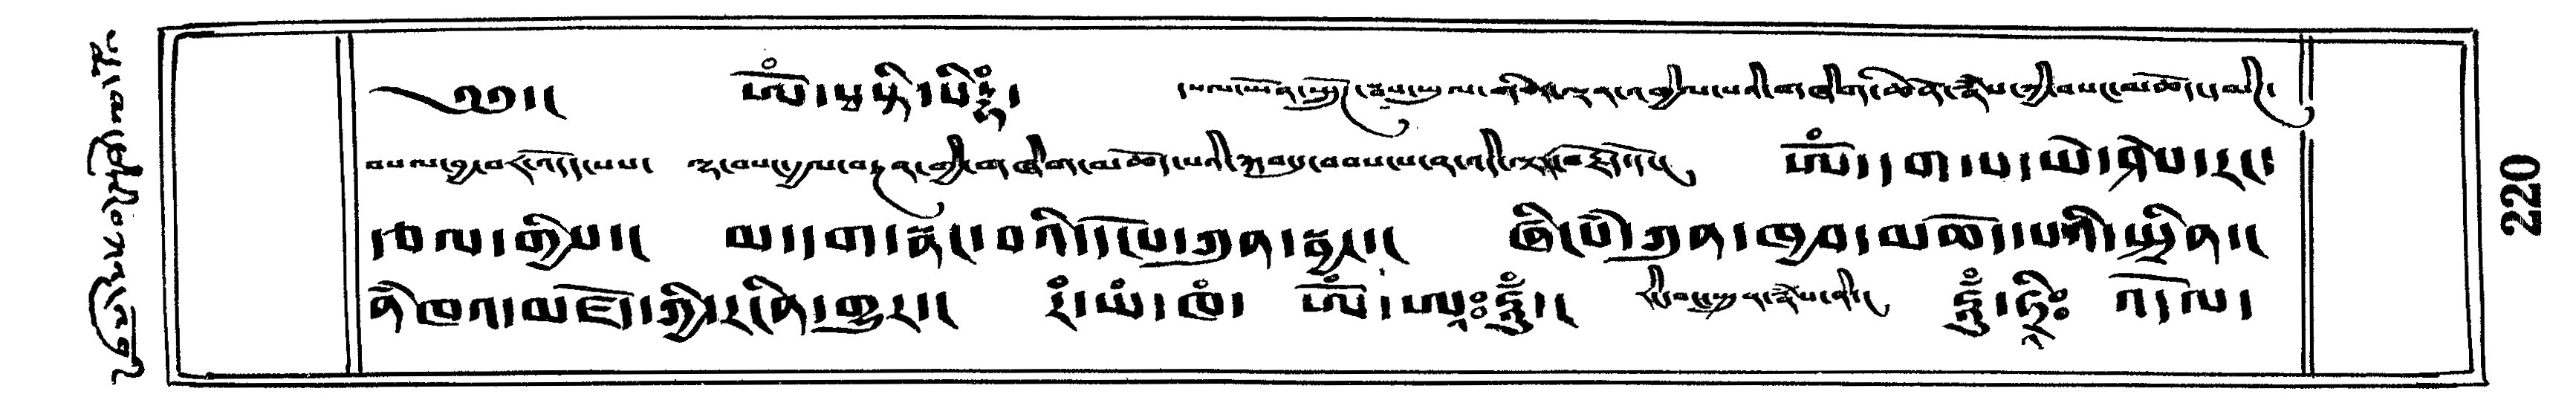༄༅། ཨོཾ་སྭ་སྟི་སིདྡྷཾ། དཔལ་ཡོན་སྤུངས་སོགས་སྦས་ཡུལ་གསེར་ལྡན་འཁྱིལ་པའི་གཞི་བདག་ཆེན་པོ་རྣམས་ཀྱི་བསང་མཆོད་དམིགས་
བསལ་བྱ་བར་འདོད་པས། ལྷ་བསང་རྒྱལ་གྱི་གཞི་བདག་མཆོད་པའི་སྐབས་སུ་བབས་པ་ན་འདི་ལྟར་བརྗོད་དོ། ཨོཾ། དག་པ་ཡེ་ཤེས་རང་
རྩལ་གྱིས། །མ་དག་སྣང་བའི་དངོས་ཀུན་སྦྱངས། །ཞིང་ཁམས་ཀུན་ཁྱབ་མཆོད་པའི་སྤྲིན། །
ནམ་མཁའ་མཛོད་ཀྱི་རང་བཞིན་གྱུར། རྃ་ཡྃ་ཁྃ། །ཨོཾ་ཨཱཿཧཱུྃ། ། རིང་བང་སྤུན་རྣམས་ནི། ཧཱུྃ་ཧྲཱིཿ འོད་གསལ་